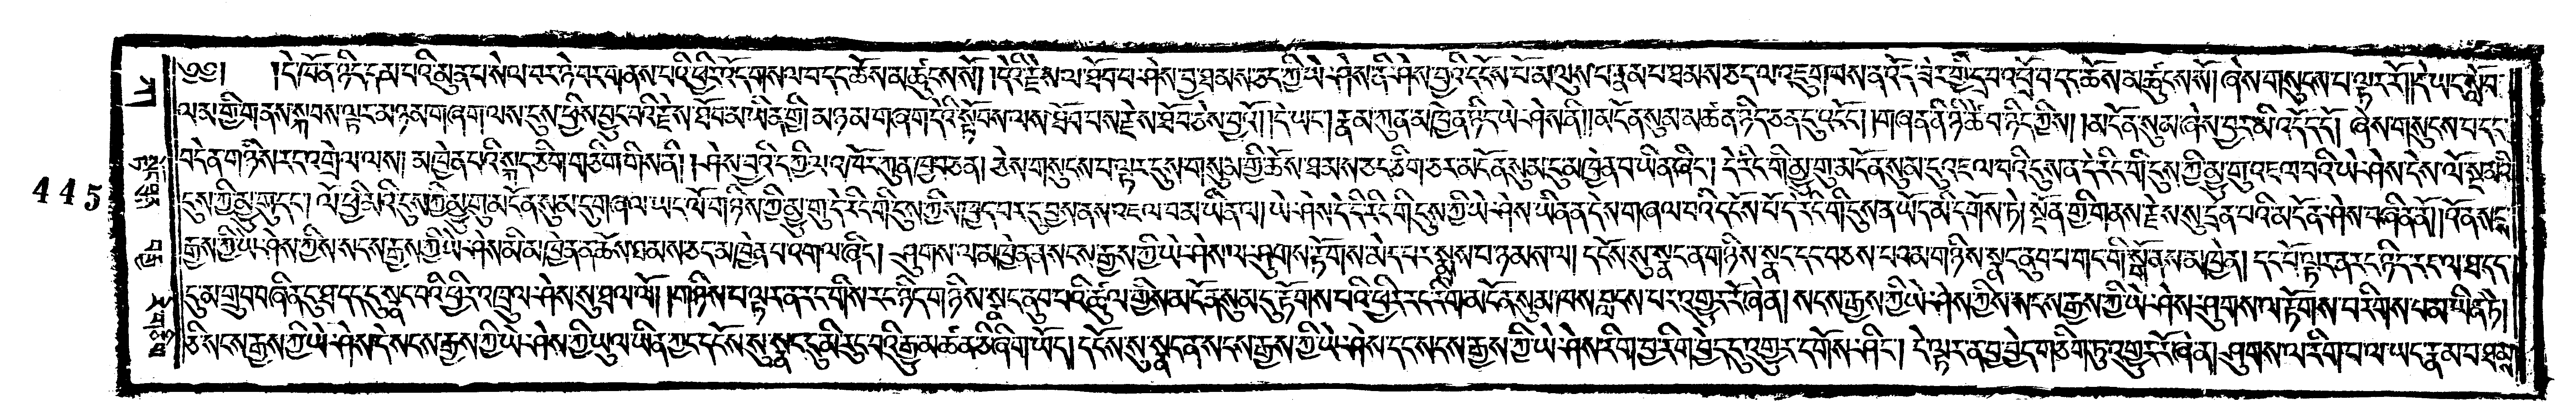༄༅། །དེ་ཁོ་ན་ཉིད་དམ་པའི་མུན་པ་སེལ་བར་ཉེ་བར་གནས་པའི་ཕྱིར་འོད་གསལ་བ་དང་ཆོས་མཚུངས་སོ། །དེའི་རྗེས་ལ་ཐོབ་བ་ཤེས་བྱ་ཐམས་ཅད་ཀྱི་ཡེ་ཤེས་ནི་ཤེས་བྱའི་དངོས་པོ་མ་བུས་པ་རྣམ་པ་ཐམས་ཅད་ལ་འཇུག་བས་ན་འོད་ཟེར་གྱི་དྲ་བ་འཕྲོ་བ་དང་ཆོས་མཚུངས་སོ། ཞེས་གསུངས་པ་ལྟར་རོ། །དེ་ཡང་སློབ་
ལམ་གྱི་གནས་སྐབས་ལྟར་མཉམ་གཞག་ལས་དུས་ཕྱིས་བྱུང་བའི་རྗེས་ཐོབ་མ་ཡིན་གྱི། མཉམ་གཞག་དེའི་སྟོབས་ལས་ཐོབ་པས་རྗེས་ཐོབ་ཅེས་བྱའོ། །དེ་ཡང་། རྣམ་ཀུན་མཁྱེན་ཉིད་ཡེ་ཤེས་ནི། །མངོན་སུམ་མཚན་ཉིད་ཅན་དུ་འདོད། །གཞན་ནི་ཉི་ཚ་བ་ཉིད་ཚ་བ་ཉིད་ཀྱིས། །མངོན་སུམ་ཞེས་བྱར་མི་འདོད་དོ། ཞེས་གསུངས་པ་དང་
བདེན་གཉིས་རང་འགྲེལ་ལས། མཁྱེན་པའི་སྐད་ཅིག་གཅིག་གིས་ནི། །ཤེས་བྱའི་དཀྱིལ་འཁོར་ཀུན་ཁྱབ་ཅན། ཅེས་གསུངས་པ་ལྟར་དུས་གསུམ་གྱི་ཆོས་ཐམས་ཅད་ཅིག་ཅར་མངོན་སུམ་དུ་མཁྱེན་པ་ཡིན་ཞིང་། དེ་རིང་གི་མྱུ་གུ་མངོན་སུམ་དུ་འཇལ་བའི་དུས་ན་དེ་རིང་གི་དུས་ཀྱི་མྱུ་གུ་འཇལ་བའི་ཡེ་ཤེས་དེས་ལོ་སྔ་མའི་
དུས་ཀྱི་མྱུ་གུ་དང་། ལོ་ཕྱི་མའི་དུས་ཀྱི་མྱུ་གུ་མངོན་སུམ་དུ་གཞལ་ཡང་ལོ་གཉིས་ཀྱི་མྱུ་གུ་དེ་རིང་གི་དུས་ཀྱིས་ཁྱད་པར་དུ་བྱས་ནས་འཇལ་བ་མ་ཡིན་ལ། ཡེ་ཤེས་དེ་དི་རིང་གི་དུས་ཀྱི་ཡེ་ཤེས་ཡིན་ན་དེས་གཞལ་བའི་དངོས་པོ་དེ་རིང་གི་དུས་ན་ཡོད་མི་དགོས་ཏེ། སྔོན་གྱི་གནས་རྗེས་སུ་དྲན་པའི་མངོན་ཤེས་བཞིན་ནོ། །འོ་ན་སངས་
རྒྱས་ཀྱི་ཡེ་ཤེས་ཀྱིས་སངས་རྒྱས་ཀྱི་ཡེ་ཤེས་མི་མཁྱེན་ན་ཆོས་ཐམས་ཅད་མཁྱེན་པ་འགལ་ཞིང་། ཤུགས་ལ་མཁྱེན་ན་སངས་རྒྱས་ཀྱི་ཡེ་ཤེས་ལ་ཤུགས་རྟོགས་མེད་པར་སྨྲས་པ་ཉམས་ལ། དངོས་སུ་སྣང་ན་གཉིས་སྣང་དང་བཅས་པའམ་གཉིས་སྣང་ནུབ་པ་གང་གི་སྒོ་ནས་མཁྱེན། དང་པོ་ལྟར་ན་རང་ཉིད་རང་ལ་ཐ་དད་
དུ་མ་གྲུབ་བཞིན་དུ་ཐ་དད་དུ་སྣང་བའི་ཕྱིར་འཁྲུལ་ཤེས་སུ་ཐལ་ལོ། །གཉིས་པ་ལྟར་ན་རང་གིས་རང་ཉིད་གཉིས་སྣང་ནུབ་པའི་ཚུལ་གྱིས་མངོན་སུམ་དུ་རྟོགས་པའི་ཕྱིར་རང་རིག་མངོན་སུམ་ཁས་བླངས་པར་འགྱུར་རོ་ཞེ་ན། སངས་རྒྱས་ཀྱི་ཡེ་ཤེས་ཀྱིས་སངས་རྒྱས་ཀྱི་ཡེ་ཤེས་ཤུགས་ལ་རྟོགས་པ་རིགས་པ་མ་ཡིན་ཏེ།
ཅི་སངས་རྒྱས་ཀྱི་ཡེ་ཤེས་དེ་སངས་རྒྱས་ཀྱི་ཡེ་ཤེས་ཀྱི་ཡུལ་ཡིན་ཀྱང་དངོས་སུ་སྣང་དུ་མི་རུང་བའི་རྒྱུ་མཚན་ཅི་ཞིག་ཡོད། དངོས་སུ་སྣང་ན་སངས་རྒྱས་ཀྱི་ཡེ་ཤེས་དང་སངས་རྒྱས་ཀྱི་ཡེ་ཤེས་རིག་བྱ་རིག་བྱེད་དུ་འགྱུར་དགོས་ཤིང་། དེ་ལྟར་ན་བྱ་བྱེད་གཅིག་ཏུ་འགྱུར་རོ་ཞེ་ན། ཤུགས་ལ་རིག་པ་ལ་ཡང་རྣམ་པ་ཐམས་